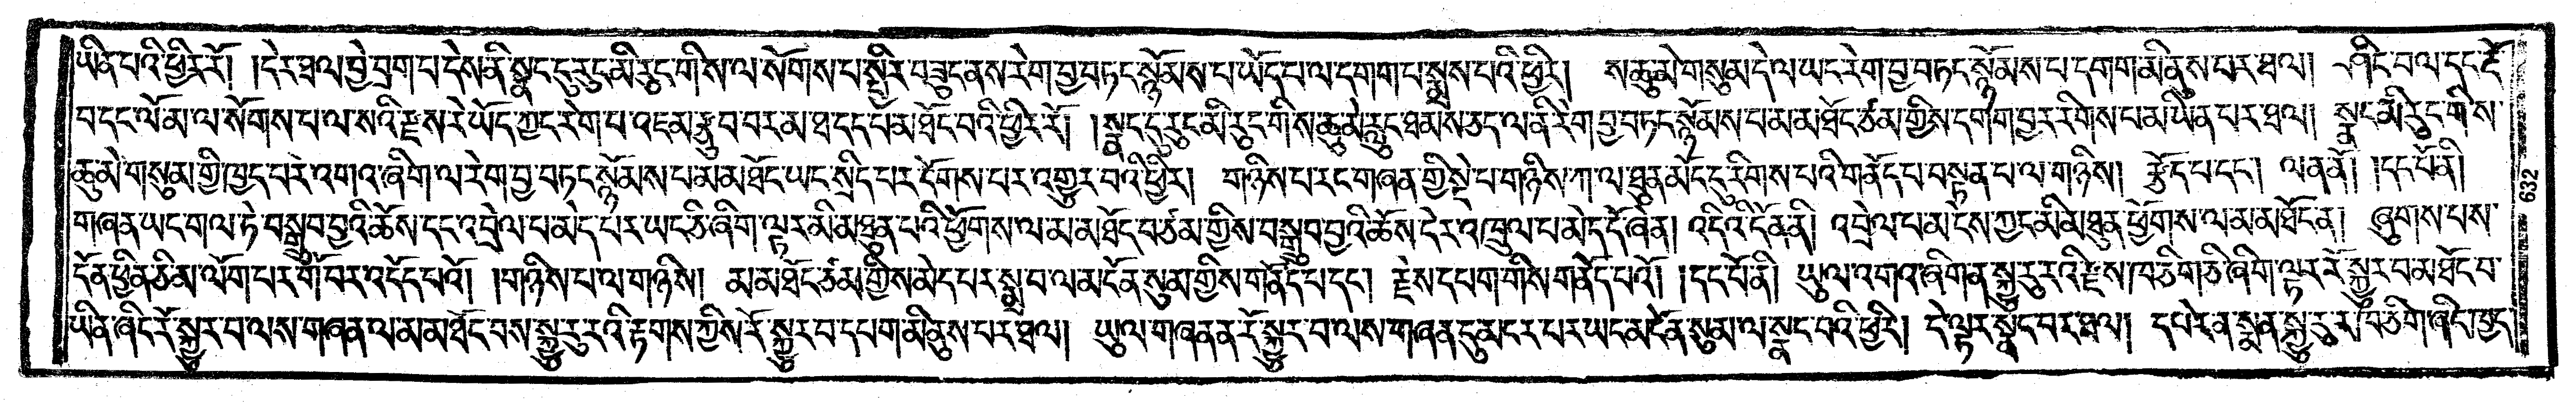ཡིན་པའི་ཕྱིར་རོ། །དེར་ཐལ་བྱེ་བྲག་པ་དེས་ནི་སྣང་དུ་རུང་མི་རུང་གི་ས་ལ་སོགས་པ་སྤྱིར་བཟུང་ནས་རེག་བྱ་བཏང་སྙོམས་པ་ཡོད་པ་ལ་དགག་པ་སྨྲས་པའི་ཕྱིར། ས་ཆུ་མེ་གསུམ་དེ་ལ་ཡང་རེག་བྱ་བཏང་སྙོམས་པ་དགག་མི་ནུས་པར་ཐལ། ཤིང་བལ་དང་རྡོ་
བ་དང་ལོ་མ་ལ་སོགས་པ་ལ་སའི་རྫས་རེ་ཡོད་ཀྱང་རེག་པ་འཇམ་རྩུབ་བར་མ་ཐ་དད་པ་མཐོང་བའི་ཕྱིར་རོ། །སྣང་དུ་རུང་མི་རུང་གིས་ཆུ་མེ་རླུང་ཐམས་ཅད་ལ་ནི་རེག་བྱ་བཏང་སྙོམས་པ་མ་མཐོང་ཙམ་གྱིས་དགག་བྱར་རིགས་པ་མ་ཡིན་པར་ཐལ། སྣང་མི་རུང་གིས་
ཆུ་མེ་གསུམ་གྱི་ཁྱད་པར་འགའ་ཞིག་ལ་རེག་བྱ་བཏང་སྙོམས་པ་མ་མཐོང་ཡང་སྲིད་པར་དགོས་པར་འགྱུར་བའི་ཕྱིར། གཉིས་པ་རང་གཞན་གྱི་སྡེ་པ་གཉིས་ཀ་ལ་ཐུན་མོང་དུ་རིགས་པའི་གནོད་པ་བསྟན་པ་ལ་གཉིས། རྩོད་པ་དང་། ལན་ནོ། །དང་པོ་ནི།
གཞན་ཡང་གལ་ཏེ་བསྒྲུབ་བྱའི་ཆོས་དང་འབྲེལ་པ་མེད་པར་ཡང་ཅི་ཞིག་ལྟར་མི་མཐུན་པའི་ཕྱོགས་ལ་མ་མཐོང་བ་ཙམ་གྱིས་བསྒྲུབ་བྱའི་ཆོས་དེར་འཁྲུལ་པ་མེད་དོ་ཞེ་ན། འདིའི་དོན་ནི། འབྲེལ་པ་མ་ངེས་ཀྱང་མི་མཐུན་ཕྱོགས་ལ་མ་མཐོང་ན། ཞུགས་པས་
དོན་ཕྱིན་ཅི་མ་ལོག་པར་གོ་བར་འདོད་པའོ། །གཉིས་པ་ལ་གཉིས། མ་མཐོང་ཙམ་གྱིས་མེད་པར་སྨྲ་བ་ལ་མངོན་སུམ་གྱིས་གནོད་པ་དང་། རྗེས་དཔག་གིས་གནོད་པའོ། །དང་པོ་ནི། ཡུལ་འགའ་ཞིག་ན་སྐྱུ་རུ་རའི་རྫས་ཁ་ཅིག་ཅི་ཞིག་ལྟར་རོ་སྐྱུར་བ་མཐོང་བ་
ཡིན་ཞིང་རོ་སྐྱུར་བ་ལས་གཞན་ལ་མ་མཐོང་བས་སྐྱུ་རུ་རའི་རྟགས་ཀྱིས་རོ་སྐྱུར་བ་དཔག་མི་ནུས་པར་ཐལ། ཡུལ་གཞན་ན་རོ་སྐྱུར་བ་ལས་གཞན་དུ་མངར་པར་ཡང་མངོན་སུམ་ལ་སྣང་བའི་ཕྱིར། དེ་ལྟར་སྣོད་པར་ཐལ། དཔེར་ན་སྨན་སྐྱུ་རུ་ར་ཁ་ཅིག་ཞིང་ཁྱད་